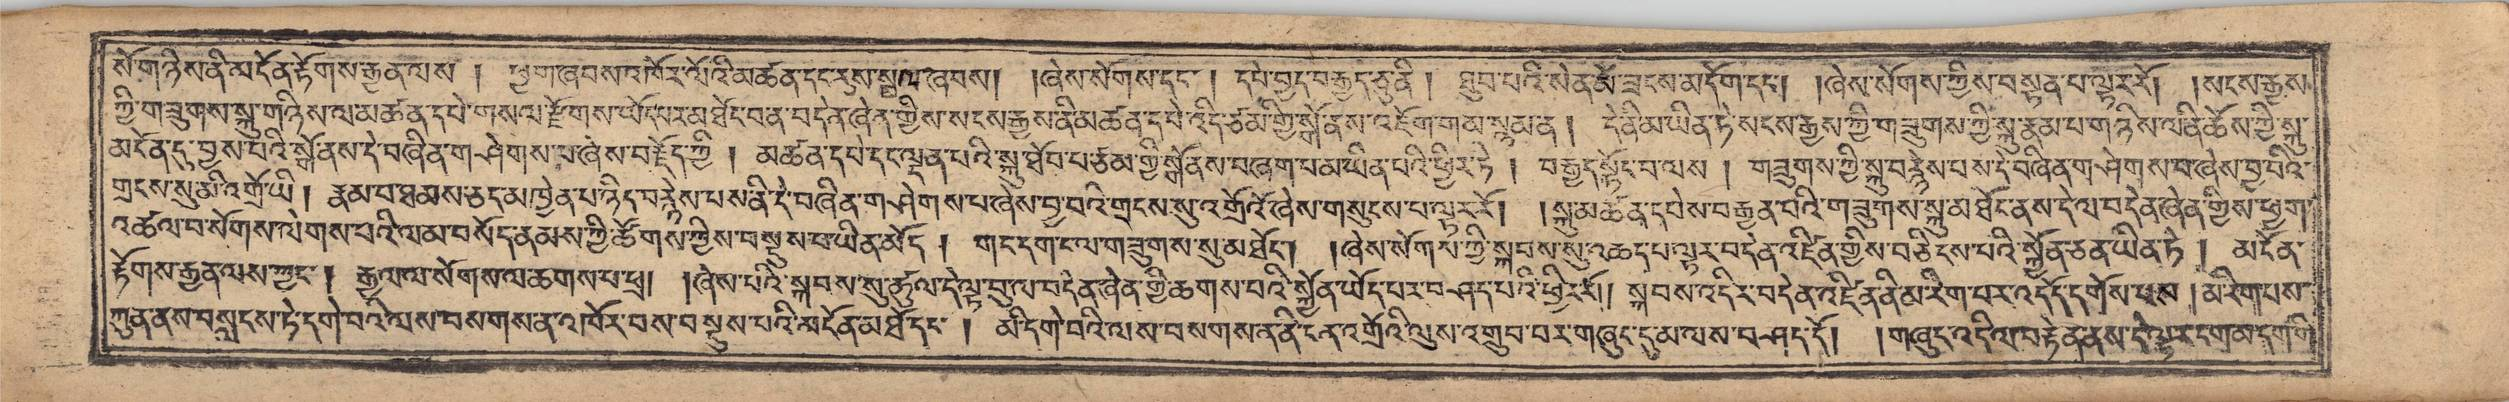སོ་གཉིས་ནི་མངོན་རྟོགས་རྒྱན་ལས། ཕྱག་ཞབས་འཁོར་ལོའི་མཚན་དང་རུས་སྦས་ཞབས། །ཞེས་སོགས་དང་། དཔེ་བྱད་བརྒྱད་ཅུ་ནི། ཐུབ་པའི་སེན་མོ་ཟངས་མདོག་དང་། །ཞེས་སོགས་ཀྱིས་བསྟན་པ་ལྟར་རོ། །སངས་རྒྱས་
ཀྱི་གཟུགས་སྐུ་གཉིས་ལ་མཚན་དཔེ་གསལ་རྫོགས་ཡོད་པར་མ་ཐོབ་པ་ན་བདེན་ཞེན་གྱིས་སངས་རྒྱས་ནི་མཚན་དཔེ་འདི་ཙམ་གྱི་སྒོ་ནས་འཇོག་གམ་སྙམ་ན། དེ་ནི་མ་ཡིན་ཏེ་སངས་རྒྱས་ཀྱི་གཟུགས་ཀྱི་སྐུ་རྣམ་པ་གཉིས་ལ་ནི་ཆོས་ཀྱི་སྐུ་
མངོན་དུ་བྱས་པའི་སྒོ་ནས་དེ་བཞིན་གཤེགས་པ་ཞེས་བརྗོད་ཀྱི། མཚན་དཔེ་དང་ལྡན་པའི་སྐུ་ཐོབ་པ་ཙམ་གྱི་སྒོ་ནས་བཞག་པ་མ་ཡིན་པའི་ཕྱིར་ཏེ། བརྒྱད་སྟོང་པ་ལས། གཟུགས་ཀྱི་སྐུ་བརྙེས་པས་དེ་བཞིན་གཤེགས་པ་ཞེས་བྱ་བའི་
གྲངས་སུ་མི་འགྲོ་ཡི། རྣམ་པ་ཐམས་ཅད་མཁྱེན་པ་ཉིད་བརྙེས་པས་ནི་དེ་བཞིན་གཤེགས་པ་ཞེས་བྱ་བའི་གྲངས་སུ་འགྲོའོ་ཞེས་གསུངས་པ་ལྟར་རོ། །སྐུ་མཚན་དཔེས་བརྒྱན་པའི་གཟུགས་སྐུ་མཐོང་ནས་དེ་ལ་བདེན་ཞེན་གྱིས་ཕྱག་
འཚལ་བ་སོགས་ལེགས་པའི་ལམ་བསོད་ནམས་ཀྱི་ཚོགས་ཀྱིས་བསྡུས་པ་ཡིན་མོད། གང་དག་པ་ལ་གཟུགས་སུ་མཐོང་། །ཞེས་སོགས་ཀྱི་སྐབས་སུ་འཆད་པ་ལྟར་བདེན་འཛིན་གྱིས་བཅིངས་པའི་སྐྱོན་ཅན་ཡིན་ཏེ། མངོན་
རྟོགས་རྒྱན་ལས་ཀྱང་། རྒྱལ་ལ་སོགས་ལ་ཆགས་པ་ཕྲ། ཞེས་པའི་སྐབས་སུ་ཚུལ་དེ་ལྟ་བུ་ལ་བདེན་ཞེན་གྱི་ཆགས་པའི་སྐྱོན་ཡོད་པར་བཤད་པའི་ཕྱིར་རོ། །སྐབས་འདིར་བདེན་འཛིན་ནི་མ་རིག་པར་འདོད་དགོས་པས། མ་རིག་པས་
ཀུན་ནས་བསླངས་ཏེ་དགེ་བའི་ལས་བསགས་ན་འཁོར་བས་བསྡུས་པའི་མངོན་མཐོ་དང་། མི་དགེ་བའི་ལས་བསགས་ན་ནི་ངན་འགྲོའི་ལུས་འགྲུབ་པས་གཞུང་དུ་མ་ལས་བཤད་དོ། །གཞུང་འདི་ལ་བརྟེན་ནས་དེ་ལྟར་དག་མ་དག་གི་